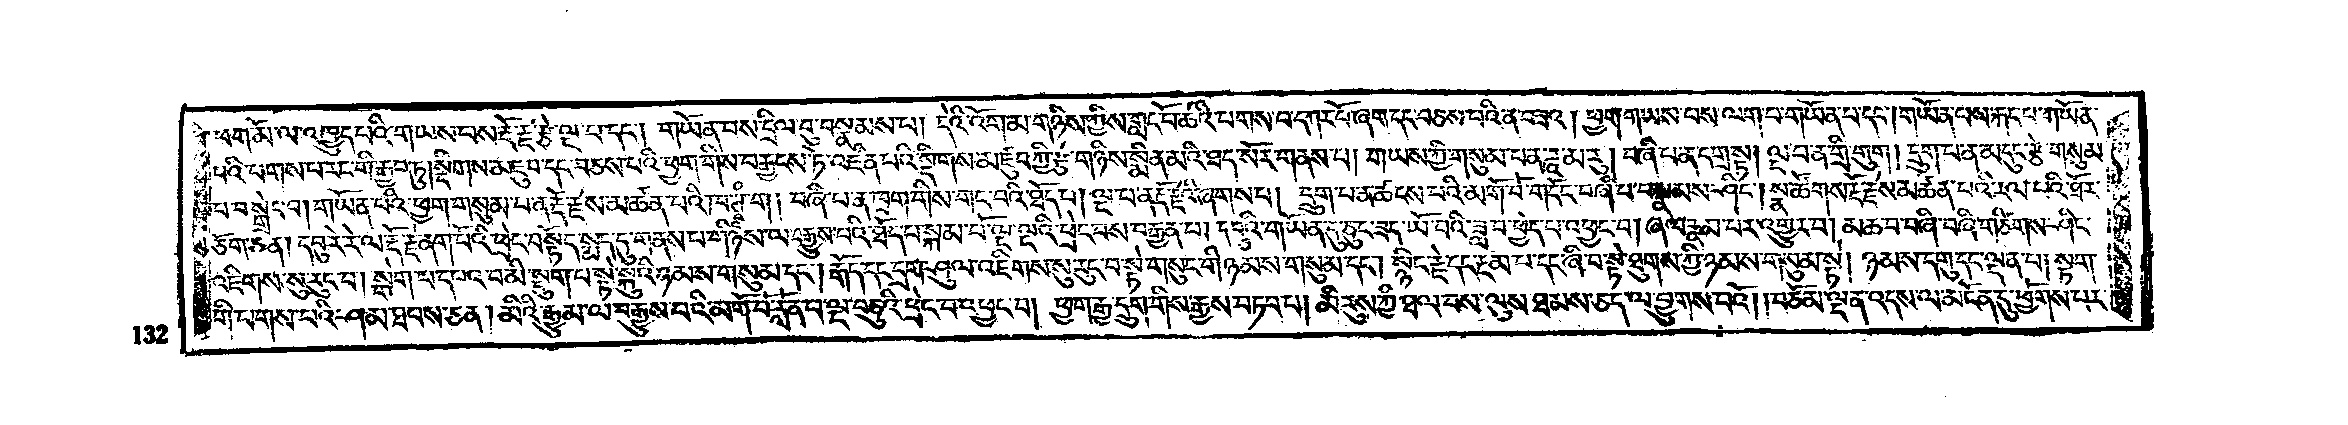ཕག་མོ་ལ་འཁྱུད་པའི་གཡས་པས་རྡོ་རྗེ་རྩེ་ལྔ་པ་དང་། གཡོན་པས་དྲིལ་བུ་བསྣམས་པ། དེའི་འོག་མ་གཉིས་ཀྱིས་གླང་པོ་ཆེའི་པགས་པ་དཀར་པོ་ཞག་དང་བཅས་པའི་ན་བཟའ། ཕྱག་གཡས་པས་ལག་པ་གཡོན་པ་དང་། གཡོན་པས་རྐང་པ་གཡོན་
པའི་པགས་པ་རང་གི་རྒྱབ་ཏུ། སྡིགས་མཛུབ་དང་བཅས་པའི་ཕྱག་གིས་བརྒྱངས་ཏེ་འཛིན་པའི་སྡིགས་མཛུབ་ཀྱི་རྩེ་གཉིས་སྨིན་མའི་ཐད་སོར་གནས་པ། གཡས་ཀྱི་གསུམ་པ་ན་ཌཱ་མ་རུ། བཞི་པ་ན་དགྲ་སྟ། ལྔ་པ་ན་གྲི་གུག །དྲུག་པ་ན་མདུང་རྩེ་གསུམ་
པ་བསྒྲེང་བ། གཡོན་པའི་ཕྱག་གསུམ་པ་ན་རྡོ་རྗེས་མཚན་པའི་ཁ་ཊྭཱཾ་ག །བཞི་པ་ན་ཁྲག་གིས་གང་བའི་ཐོད་པ། ལྔ་པ་ན་རྡོ་རྗེའི་ཞགས་པ། དྲུག་པ་ན་ཚངས་པའི་མགོ་བོ་གདོང་བཞི་པ་བསྣམས་ཤིང་། སྣ་ཚོགས་རྡོ་རྗེས་མཚན་པའི་རལ་པའི་ཐོར་
ཅོག་ཅན། དབུ་རེ་རེ་ལ་རྡོ་རྗེ་ནག་པོའི་ཕྲེང་བ་སྟོད་སྨད་དུ་གནས་པ་གཉིས་ལ་བརྒྱུས་པའི་ཐོད་པ་སྐམ་པོ་ལྔ་ལྔའི་ཕྲེང་བས་བརྒྱན་པ། དབུའི་གཡོན་དུ་ཅུང་ཟད་ཡོ་བའི་ཟླ་བ་ཕྱེད་པ་འཕྱང་བ། ཞལ་རྣམ་པར་འགྱུར་བ། མཆེ་བ་བཞི་བཞི་གཙིགས་ཤིང་
འཇིགས་སུ་རུང་བ། སྒེག་པ་དཔའ་བ་མི་སྡུག་པ་སྟེ་སྐུའི་ཉམས་གསུམ་དང་། རྒོད་དང་དྲག་ཤུལ་འཇིགས་སུ་རུང་བ་སྟེ་གསུང་གི་ཉམས་གསུམ་དང་། སྙིང་རྗེ་དང་རྔམ་པ་དང་ཞི་བ་སྟེ་ཐུགས་ཀྱི་ཉམས་གསུམ་སྟེ། ཉམས་དགུ་དང་ལྡན་པ། སྟག་
གི་པགས་པའི་ཤམ་ཐབས་ཅན། མིའི་རྒྱུ་མ་ལ་བརྒྱུས་པའི་མགོ་བོ་རློན་པ་ལྔ་བཅུའི་ཕྲེང་བ་འཕྱང་བ། ཕྱག་རྒྱ་དྲུག་གིས་རྒྱས་བཏབ་པ། མི་རུས་ཀྱི་ཐལ་བས་ལུས་ཐམས་ཅད་ལ་བྱུགས་པའོ། །བཅོམ་ལྡན་འདས་ལ་མངོན་དུ་ཕྱོགས་པར་